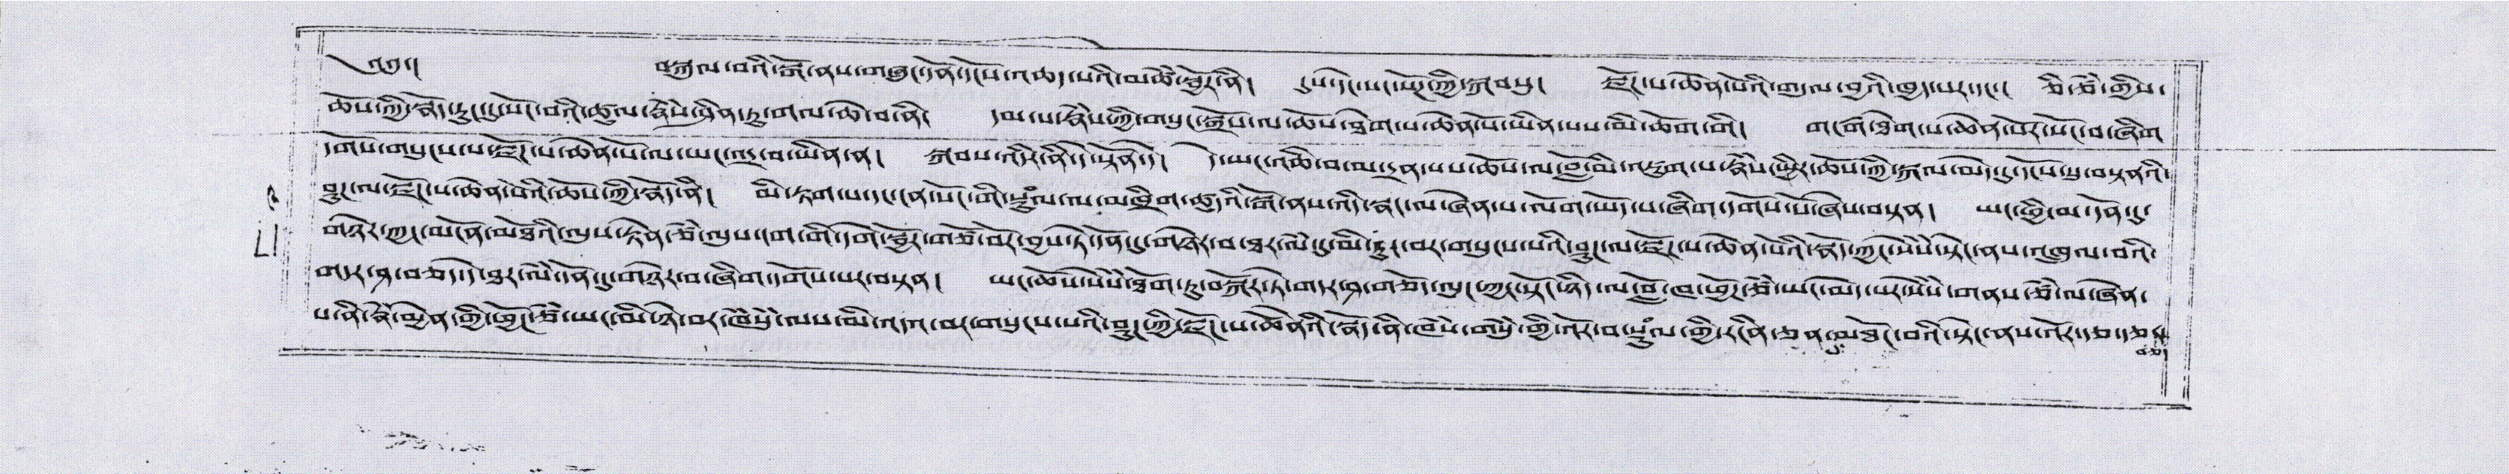བསྐུལ་བའི་སྒོ་ནས་གཞུང་དོན་དངོིས་འཆད་པའི་མཚམ་སྦྱོར་ནི། དུས་དེང་སང་སོགས་ཀྱི་སྐབས་སུ། རྫོགས་པ་ཆེན་པོའི་གདུལ་བྱའི་ཁྱད་པར་དང། ཅི་ཙམ་གྱིས་
ཆོས་ཀྱི་སྣོད་རུང་དུ་སོང་བའི་ཚུལ་རྣམས་ཤིན་ཏུ་གལ་ཆེ་བ་ནི། དམ་པ་རྣམས་ཀྱི་གསུང་སྒྲོས་ལ་ཆོས་ཐེག་པ་ཆེན་པོ་ཡིན་པས་མི་ཆོག་གི། གདམས་ངག་ཐེག་པ་ཆེན་པོར་སོང་བ་ཞིག་
དགོས་གསུངས་ལ་རྫོགས་པ་ཆེན་པོ་ལ་ཡང་འདྲ་བ་ཡིན་ན། སྐབས་འདིར་ནི་དེ་སྟོན་དེ། དེ་ཡང་འཆི་བ་ལ་དྲན་པས་ཆོས་ལ་བློ་མི་འཇུག་པ་རྣམས་སྤྱིར་ཆོས་ཀྱི་སྐལ་མེད་དུ་དངོས་སུ་བསྟན་པའི་
ཤུགས་ལ་རྫོགས་པ་ཆེན་པོའི་ཆོས་ཀྱི་སྣོད་ནི། མི་རྟག་པ་དང་ངན་སོང་གི་སྡུག་བསྔལ་ལ་མཁྲིག་ཚུད་པའི་སྒོ་ནས་འདི་སྣང་ལ་ཞེན་པ་ལོག་ཡོད་པ་ཞིག་དགོས་སོ་ཞེས་བསྟན། ཡང་ཕྱི་མ་དོན་དུ་
གཉེར་ཀྱང་མངོན་མཐོའི་ལུས་རྟེན་ཙམ་ལུས་ངག་གི་དགེ་སྦྱོར་གཙོ་བོར་བྱས་ཏེ་དོན་དུ་གཉེར་བ་ཐར་ལམ་དུ་མི་རུང་བར་གསུངས་པའི་ཤུགས་ལ་རྫོགས་པ་ཆེན་པོའི་སྣོད་ཀྱང་སེམས་སྟེང་ནས་འཁྲུལ་བའི་
གདར་ཤ་བཅད་དེ་ཐར་ལམ་དོན་དུ་གཉེར་བ་ཞིག་དགོས་པར་བསྟན། ཡང་ཆོས་སེམས་ཐོག་ཏུ་བསྐོར་ཏེ་གདར་ཤ་གཅོད་ལུགས་ཀྱང་སྟོང་ཉིད་ལ་བློ་ཁ་ཕྱོགས་ཙམ་ཡང་མེད་པར་སེམས་གནས་ཙམ་ལ་ཞེན་
པ་ནི་རྣམ་མཁྱེན་གྱི་ཕྱོགས་ཙམ་ཡང་མི་ཉེ་བར་ཁམས་གསུམ་ལས་མི་འདའ་བར་གསུངས་པའི་ཤུགས་ཀྱི་རྫོགས་པ་ཆེན་པོའི་སྣོད་ནི་ཁམས་གསུམ་གྱི་འཁོར་བ་སྡུག་བསྔལ་གྱི་རང་བཞིན་ཅན་པ་མཐོང་བའི་སྟེང་ནས་འཁོར་རྩ་རྩར་བཅད་